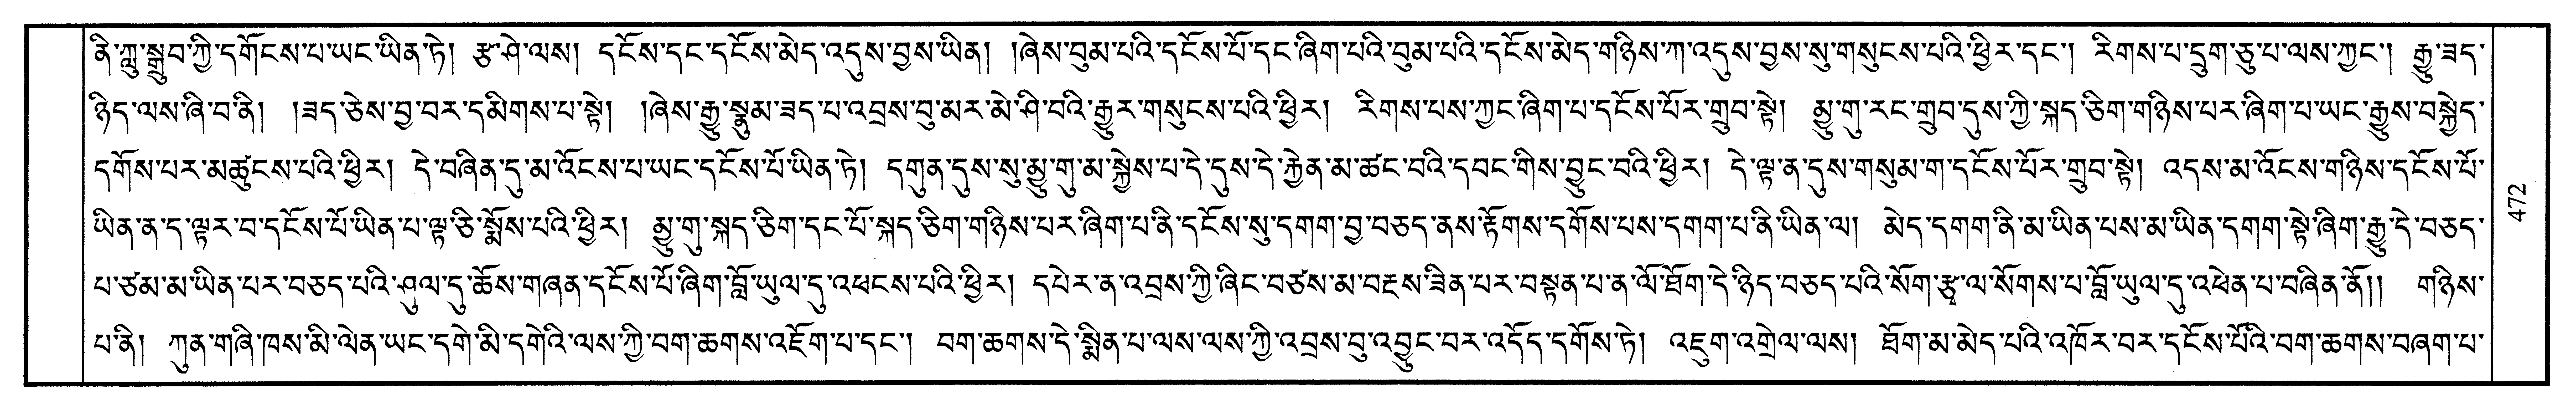ནི་ཀླུ་སྒྲུབ་ཀྱི་དགོངས་པ་ཡང་ཡིན་ཏེ། རྩ་ཤེ་ལས། དངོས་དང་དངོས་མེད་འདུས་བྱས་ཡིན། །ཞེས་བུམ་པའི་དངོས་པོ་དང་ཞིག་པའི་བུམ་པའི་དངོས་མེད་གཉིས་ཀ་འདུས་བྱས་སུ་གསུངས་པའི་ཕྱིར་དང་། རིགས་པ་དྲུག་ཅུ་པ་ལས་ཀྱང་། རྒྱུ་ཟད་
ཉིད་ལས་ཞི་བ་ནི། །ཟད་ཅེས་བྱ་བར་དམིགས་པ་སྟེ། །ཞེས་རྒྱུ་སྣུམ་ཟད་པ་འབྲས་བུ་མར་མེ་ཤི་བའི་རྒྱུར་གསུངས་པའི་ཕྱིར། རིགས་པས་ཀྱང་ཞིག་པ་དངོས་པོར་གྲུབ་སྟེ། མྱུ་གུ་རང་གྲུབ་དུས་ཀྱི་སྐད་ཅིག་གཉིས་པར་ཞིག་པ་ཡང་རྒྱུས་བསྐྱེད་
དགོས་པར་མཚུངས་པའི་ཕྱིར། དེ་བཞིན་དུ་མ་འོངས་པ་ཡང་དངོས་པོ་ཡིན་ཏེ། དགུན་དུས་སུ་མྱུ་གུ་མ་སྐྱེས་པ་དེ་དུས་དེ་རྐྱེན་མ་ཚང་བའི་དབང་གིས་བྱུང་བའི་ཕྱིར། དེ་ལྟ་ན་དུས་གསུམ་ག་དངོས་པོར་གྲུབ་སྟེ། འདས་མ་འོངས་གཉིས་དངོས་པོ་
ཡིན་ན་ད་ལྟར་བ་དངོས་པོ་ཡིན་པ་ལྟ་ཅི་སྨོས་པའི་ཕྱིར། མྱུ་གུ་སྐད་ཅིག་དང་པོ་སྐད་ཅིག་གཉིས་པར་ཞིག་པ་ནི་དངོས་སུ་དགག་བྱ་བཅད་ནས་རྟོགས་དགོས་པས་དགག་པ་ནི་ཡིན་ལ། མེད་དགག་ནི་མ་ཡིན་པས་མ་ཡིན་དགག་སྟེ་ཞིག་རྒྱུ་དེ་བཅད་
པ་ཙམ་མ་ཡིན་པར་བཅད་པའི་ཤུལ་དུ་ཆོས་གཞན་དངོས་པོ་ཞིག་བློ་ཡུལ་དུ་འཕངས་པའི་ཕྱིར། དཔེར་ན་འབྲས་ཀྱི་ཞིང་བཙས་མ་བརྔས་ཟིན་པར་བསྟན་པ་ན་ལོ་ཐོག་དེ་ཉིད་བཅད་པའི་སོག་རྩྭ་ལ་སོགས་པ་བློ་ཡུལ་དུ་འཕེན་པ་བཞིན་ནོ།། གཉིས་
པ་ནི། ཀུན་གཞི་ཁས་མི་ལེན་ཡང་དགེ་མི་དགེའི་ལས་ཀྱི་བག་ཆགས་འཇོག་པ་དང་། བག་ཆགས་དེ་སྨིན་པ་ལས་ལས་ཀྱི་འབྲས་བུ་འབྱུང་བར་འདོད་དགོས་ཏེ། འཇུག་འགྲེལ་ལས། ཐོག་མ་མེད་པའི་འཁོར་བར་དངོས་པོའི་བག་ཆགས་བཞག་པ་